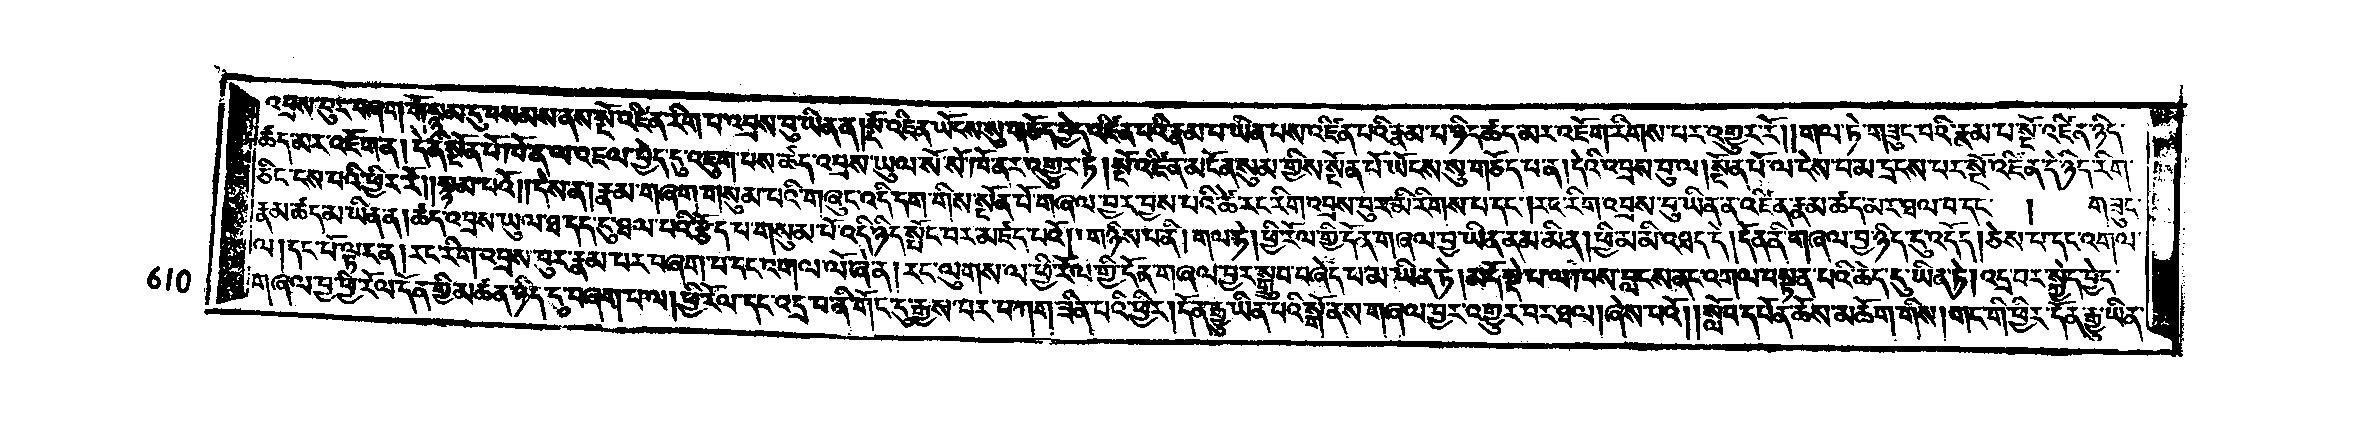འབྲས་བུར་བཞག་གོ་སྙམ་དུ་བསམས་ནས་སྔོ་འཛིན་རིག་པ་འབྲས་བུ་ཡིན་ན། སྔོ་འཛིན་ཡོངས་སུ་གཅོད་བྱེད་འཛིན་པའི་རྣམ་པ་ཡིན་པས་འཛིན་པའི་རྣམ་པ་ཉིད་ཚད་མར་འཇོག་རིགས་པར་འགྱུར་རོ། །གལ་ཏེ་གཟུང་བའི་རྣམ་པ་སྔོ་འཛིན་ཉིད་
ཚད་མར་འཇོག་ན། དེ་ནི་སྔོན་པོ་ཁོ་ན་ལ་འཇལ་བྱེད་དུ་འཇུག་པས་ཚད་འབྲས་ཡུལ་སོ་སོ་ཁོ་ནར་འགྱུར་ཏེ། སྔོ་འཛིན་མངོན་སུམ་གྱིས་སྔོན་པོ་ཡོངས་སུ་གཅོད་པ་ན། དེའི་འབྲས་བུ་ལ། སྔོན་པོ་ལ་ངེས་པ་མ་དྲངས་པར་སྔོ་འཛིན་དེ་ཉིད་རིག་
ཅིང་ངས་པའི་ཕྱིར་རོ། །སྙམ་པའོ། །དེས་ན། རྣམ་གཞག་གསུམ་པའི་གཞུང་འདི་དག་གིས་སྔོན་པོ་གཞལ་བྱར་བྱས་པའི་ཚེ་རང་རིག་འབྲས་བུར་མི་རིགས་པ་དང་། རང་རིག་འབྲས་བུ་ཡིན་ན་འཛིན་རྣམ་ཚད་མར་ཐལ་བ་དང་། གཟུང་
རྣམ་ཚད་མ་ཡིན་ན། ཚད་འབྲས་ཡུལ་ཐ་དད་དུ་ཐལ་པའི་རྩོད་པ་གསུམ་པོ་འདི་ཉིད་སྤོང་བར་མཛད་པའོ། །གཉིས་པ་ནི། གལ་ཏེ། ཕྱི་རོལ་གྱི་དོན་གཞལ་བྱ་ཡིན་ནམ་མིན། ཕྱི་མ་མི་འཐད་དེ། དོན་ནི་གཞལ་བྱ་ཉིད་དུ་འདོད། ཅེས་པ་དང་འགལ་
ལ། དང་པོ་ལྟར་ན། རང་རིག་འབྲས་བུར་རྣམ་པར་བཞག་པ་དང་འགལ་ལོ་ཞེ་ན། རང་ལུགས་ལ་ཕྱི་རོལ་གྱི་དོན་གཞལ་བྱར་སྒྲུབ་བཞེད་པ་མ་ཡིན་ཏེ། མདོ་སྡེ་པ་ལ་ཁས་བླངས་ནང་འགལ་བསྟན་པའི་ཆེད་དུ་ཡིན་ཏེ། འདྲ་བར་སྐྱེད་བྱེད་
གཞལ་བྱ་ཕྱི་རོལ་དོན་གྱི་མཚན་ཉིད་དུ་བཞག་པ་ལ། ཕྱི་རོལ་དང་འདྲ་བ་ནི་གོང་དུ་རྒྱས་པར་བཀག་ཟིན་པའི་ཕྱིར། དོན་རྒྱུ་ཡིན་པའི་སྒོ་ནས་གཞལ་བྱར་འགྱུར་བར་ཐལ། ཞེས་པའོ། །སློབ་དཔོན་ཆོས་མཆོག་གིས། གང་གི་ཕྱིར་དོན་རྒྱུ་ཡིན་